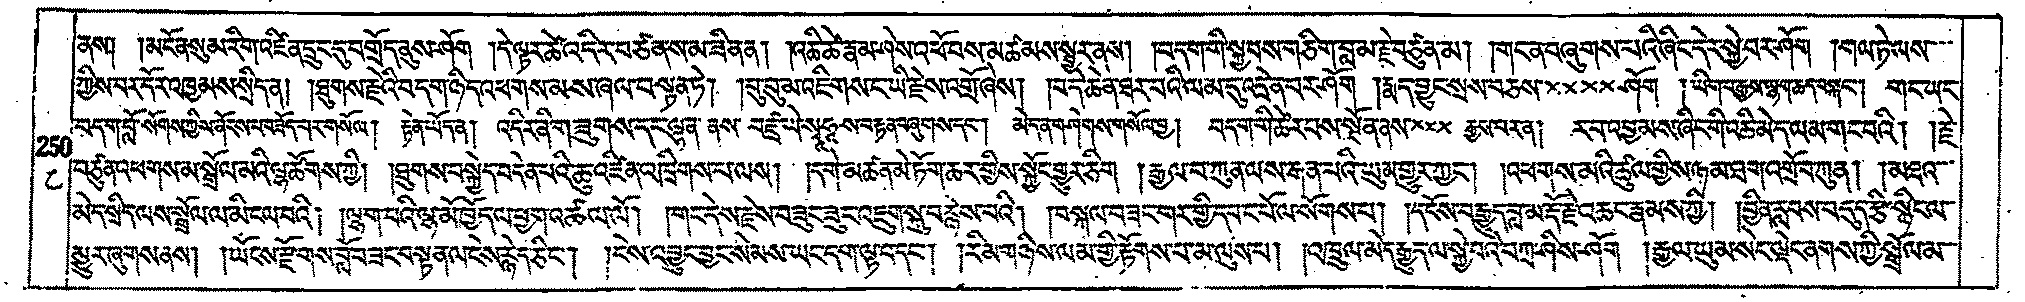ནས། །མངོན་སུམ་རིག་འཛིན་དྲུང་དུ་བགྲོད་ནུས་ཤོག །དེ་ལྟར་ཚེ་འདིར་བཙན་ས་མ་ཟིན་ན། །འཆི་ཚེ་རྣམ་ཤེས་འཕོ་བས་མཚམས་སྦྱར་ནས། །བདག་གི་སྐྱབས་གཅིག་བླ་མ་རྗེ་བཙུན་མ། །གང་ན་བཞུགས་པའི་ཞིང་དེར་སྐྱེ་བར་ཤོག །གལ་ཏེ་ལས་་་
ཀྱིས་བར་དོར་འཁྱམས་སྲིད་ན། །ཐུགས་རྗེའི་བདག་ཉིད་འཕགས་མས་ཞལ་བསྟན་ཏེ། །བུ་བུ་མ་འཇིགས་ང་ཡི་རྗེས་འགྲོ་ཞེས། །བདེ་ཆེན་ཐར་པའི་ལམ་དུ་འདྲེན་པར་ཤོག །རྨད་བྱུང་སྲས་བཅས་྾་྾་྾་྾་ཤོག་།ཡིག་བརྒྱས་ལྷག་ཆད་བསྐང་།  གང་ཡང་
བདག་བློ་སོགས་ཀྱིས་ནོངས་པ་བཟོད་པར་གསོལ། རྟེན་ཡོད་ན།  འདིར་ནི་གཟུགས་དང་ལྷན་ནས་བྫྲ་ཡེ་སྭཱཧཱས་བརྟན་བཞུགས་དང་། མེད་ན་གཤེགས་གསོལ་བྱ།  བདག་གི་ཚེ་རབས་སྔོན་ནས་྾་྾་྾་རྒྱས་པར་ན།  རབ་འབྱམས་ཞིང་གི་འཆི་མེད་ལམ་གང་བའི། །རྗེ་
བཙུན་འཕགས་མ་སྒྲོལ་མའི་ལྷ་ཚོགས་ཀྱི། །ཐུགས་བསྐྱེད་བདེན་པའི་ཆུ་འཛིན་འཁྲིགས་པ་ལས། །དགེ་མཚན་མེ་ཏོག་ཆར་གྱིས་སྐྱོང་གྱུར་ཅིག །རྒྱལ་བ་ཀུན་ལས་རྒན་པའི་ཡུམ་གྱུར་ཀྱང་། །འཕགས་མའི་ཚུལ་གྱིས་ཉམ་ཐག་འགྲོ་བ་ཀུན། །མཐའ་་་
མེད་སྲིད་ལས་སྒྲོལ་ལ་མི་ངལ་བའི། །ལྷག་པའི་ལྷ་མོ་ཁྱོད་ལ་ཕྱག་འཚལ་ལོ། །གང་དེས་རྗེས་བཟུང་ཟུང་འཇུག་སྐུ་བརྙེས་པའི། །བསྐལ་བཟང་གར་གྱི་དབང་པོ་ལ་སོགས་པ། །དངོས་བརྒྱུད་བླ་མ་རྡོ་རྗེ་འཆང་རྣམས་ཀྱི། །བྱིན་རླབས་བདུད་རྩི་སྙིང་ལ་་་
མྱུར་ཞུགས་ནས། །ཡོངས་རྫོགས་བློ་བཟང་བསྟན་ལ་ངེས་རྙེད་ཅིང་། །ངེས་འབྱུང་བྱང་སེམས་ཡང་དག་ལྟ་བ་དང་། །རིམ་གཉིས་ལམ་གྱི་རྟོགས་པ་མ་ལུས་པ། །འཁྲུལ་མེད་རྒྱུད་ལ་སྐྱེ་བའི་བཀྲ་ཤིས་ཤོག །རྒྱལ་ཡུམ་སེང་ལྡེང་ནགས་ཀྱི་སྒྲོལ་མ་་་